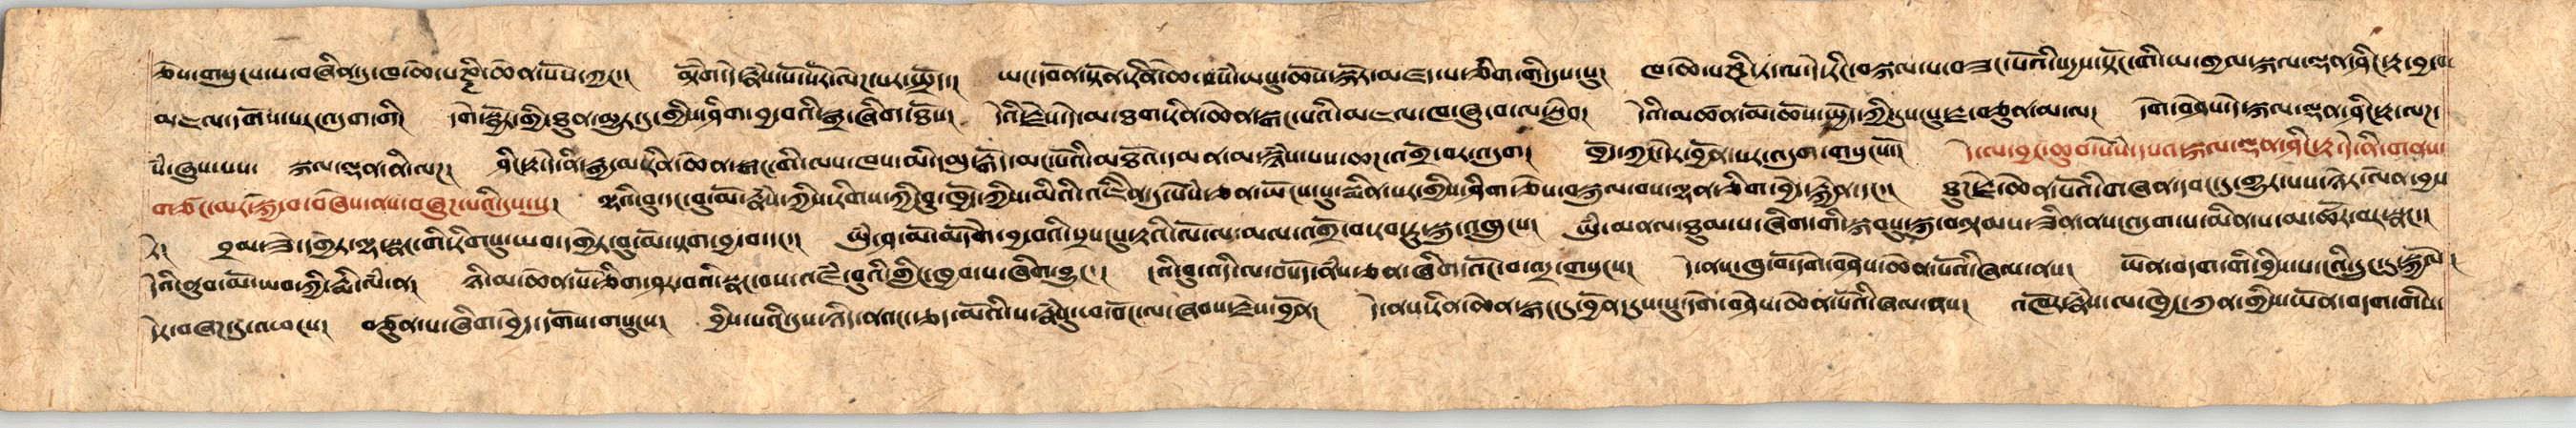ཅེས་གསུངས་པ་བཞིན་དུ་ཁ་ཆེ་པཎྜི་ཆེན་པོས་ཀྱང་། མྟེགོ་དེ་རྣཾས་སོ་སོར་ལེཌ་པར་སྤྲོད་། ཡང་དབོན་སྟོན་རིན་ཆེ་བསཾ་ཡསུ་ཆོས་སྐོར་མཛད་པ་ཅིག་གི་དུས་སུ། ཁ་ཆེ་པཎྜི་ཏ་ལ་དེ་རིང་བསྐལ་པ་བཟང་པོའི་སདྱས་སྟོང་གི་ཡ་གྱལ་སྐལ་ལྡན་ཤིང་རྟ་བྱ་བ་
མཇལ་དགོས་པར་འདུག་གི། དགེ་སྦྱོར་གྱི་ཐུན་མྱུར་དུ་གྱིས་ཤིག་བྱ་བའི་སྒྲ་ཞིག་ཐོས། དེའི་རྗེས་དེ་མ་ཐག་ཏུ་རིན་ཆེན་སྒང་པའི་མཇལ་ཁ་ཞུ་བ་ལ་སླེབ། དེའི་མཚན་མོ་ཆོས་སྤྱོད་ཀྱི་དུས་སུ་རྗེ་བཙུན་མ་ལ། དགེ་བཤེས་དེ་སྐལ་ལྡན་ཤིང་རྟ་ལཌ་
སཾ་ཞུས་པས། སྐལ་ལྡན་ནི་ལཌ། ཤིང་རྟ་དེ་ནི་རྒྱ་མ་རིན་ཆེན་སྒང་གི་ལས་ཁས་མི་དམུ་རྒོད་མང་པོའི་མཐོ་དམན་མ་ཉཾས་པས་ཆཌ་འགྲོ་བར་འདུག ཁྱོད་ཀྱང་དེར་བྱོན་པར་འདུག་གསུངསོ་། དེ་ལ་བྱང་ཆུབ་སེཾས་དཔའ་སྐལ་ལྡན་ཤིང་རྟ་དེ་ནི་གནས་
གཙང་མར་སྐྱེ་བ་བཞེས་ནས་བཞུཌ་པའི་དུས་སུ། ལྷའི་བུ་དང་བུ་མོ་རྣཾས་ཀྱིས་རིགས་ཀྱི་བུ་ཁྱོད་ཀྱིས་མིའི་འཇིནེ་དུ་སེཾས་ཅན་ཡོངས་སུ་སྨིན་པར་གྱིས་ཤིག་ཅེས་བསྐུལ་བས་ལྷན་ཅིག་བྱེད་རྐྱེན་དང་། ཐུགས་རྗེ་ཆེན་པོའི་གཞན་དབང་དུ་གྱུར་པས་ཉེར་ལེན་བྱས
ཏེ། བྲམ་ཟེ་དགྱེར་ལྷ་སྣང་གི་རིགསུ་ཡབ་དགྱེར་བུ་མོ་སྟག་བྱ་བ་དང་། ཡུཾ་ཤ་མོ་མདོགེ་བྱ་བའི་སྲས་སུ་རྟའི་ལོ་ལ་མལ་འགྲོ་བ་རབ་ཏུ་སྐུའཁྲུངས། ཡུཾ་མནལ་ཐུམ་པ་ཞིག་གི་སྐབསུ་སྐུ་བལྟམས་ཟིན་ནས་འདུག་པ་མིན་པ་མ་ཚོར་བར་སྣང་།
དེའི་ནུབ་མོ་ཡབ་ཀྱི་རྨི་ལཾ་ན། ཉི་མ་ཆེན་པོ་ཅིག་ཤར་བའི་སྣང་བས་འཛཾ་བུའི་གླིང་ཁྱབ་པ་ཞིག་བྱུང་། ངའི་བུ་འདི་ལ་བསོད་ནཾས་ཅན་ཞིག་འོང་བ་འདྲ་གསུངས། དེ་ནས་ཁུ་བོ་དགེ་བཤེས་ཆེན་པོའི་ཞལ་ནས། ཡོན་བདག་གི་བྱིས་པ་ངའི་དྲུང་དུ་སྐྱོལ།
དེར་བཞཌ་དུ་འཕངས། བཙུན་པ་ཞིག་བྱེད་དགོས་གསུངས། བྱིས་པའི་དུས་ཉིད་ནའང་རྩད་མོའི་ས་རྣཾསུ་ཕ་བོང་ལ་ཞབས་རྗེས་བྱོན། དེ་ནས་རིན་ཆེན་སྒང་དུ་བྱོན་དུས་སུ་དགེ་བཤེས་ཆེན་པོའི་ཞལ་ནས། འཁོར་རྣཾས་ལ་ཁྱེད་ཀུན་གྱིས་ཡོན་བདག་གིས་